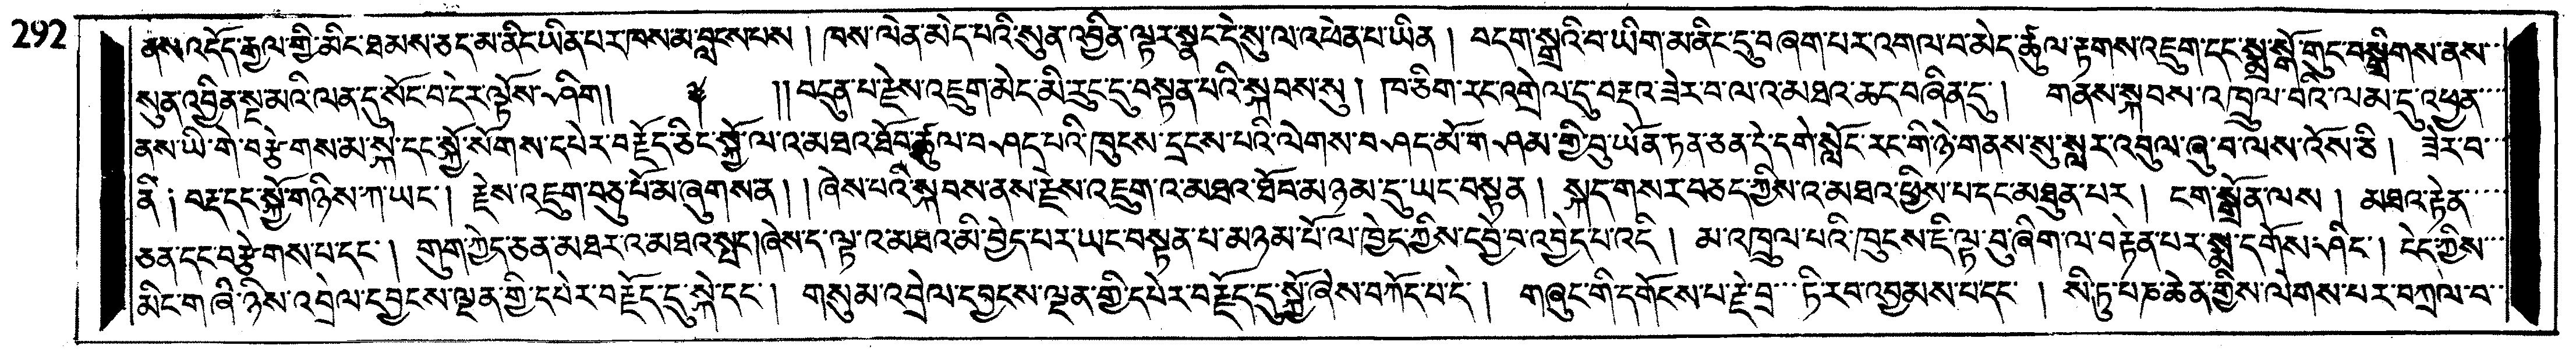ནས་འདོད་རྒྱལ་གྱི་མིང་ཐམས་ཅད་མ་ནིང་ཡིན་པར་ཁས་མ་བླངས་པས། ཁས་ལེན་མེད་པའི་སུན་འབྱིན་ལྟར་སྣང་དེ་སུ་ལ་འཕེན་པ་ཡིན། བདག་སྒྲའི་བ་ཡིག་མ་ནིང་དུ་བཞག་པར་འགལ་བ་མེད་ཚུལ་རྟགས་འཇུག་དང་སྨྲ་སྒོ་གུང་བསྒྲིགས་ནས་
སུན་འབྱིན་སྔ་མའི་ལན་དུ་སོང་བ་དེར་ལྟོས་ཤིག ། འ་།།བདུན་པ་རྗེས་འཇུག་མེད་མི་རུང་དུ་བསྟན་པའི་སྐབས་སུ། ཁ་ཅིག་རང་འགྲེལ་དུ་བརྡའ་ཟེར་བ་ལ་འ་མཐའ་ཆད་བཞིན་དུ། གནས་སྐབས་འཁྲུལ་བའི་ལམ་དུ་འཕྱན་
ནས་ཡི་གེ་བརྩེགས་མ་སྐེ་དང་སྐྱོ་སོགས་དཔེར་བརྗོད་ཅིང་སྐྱོ་ལ་འ་མཐའ་ཐོབ་ཚུལ་བཤད་པའི་ཁུངས་དྲངས་པའི་ལེགས་བཤད་མོ་གཤམ་གྱི་བུ་ཡོན་ཏན་ཅན་དེ་དགེ་སློང་རང་གི་ཉེ་གནས་སུ་སླར་འབུལ་ཞུ་བ་ལས་འོས་ཅི། ཟེར་བ་
ནི༑ བརྡ་དང་སྐྱོ་གཉིས་ཀ་ཡང་། རྗེས་འཇུག་བཅུ་པོ་མ་ཞུགས་ན། །ཞེས་པའི་སྐབས་ནས་རྗེས་འཇུག་འ་མཐའ་ཐོབ་མཉམ་དུ་ཡང་བསྟན། སྐད་གསར་བཅད་ཀྱིས་འ་མཐའ་ཕྱིས་པ་དང་མཐུན་པར། ངག་སྒྲོན་ལས། མཐའ་རྟེན་
ཅན་དང་བརྩེགས་པ་དང་། གུག་ཀྱེད་ཅན་མཐར་འ་མཐར་སྤང་། ཞེས་ད་ལྟ་འ་མཐའ་མི་བྱེད་པར་ཡང་བསྟན་པ་མཉམ་པོ་ལ་ཁྱེད་ཀྱིས་དབྱེ་བ་འབྱེད་པ་འདི། མ་འཁྲུལ་པའི་ཁུངས་ཇི་ལྟ་བུ་ཞིག་ལ་བརྟེན་པར་སྨྲ་དགོས་ཤིང་། ངེད་ཀྱིས་
མིང་གཞི་ཉིས་འབྲེལ་དབྱངས་ལྡན་གྱི་དཔེར་བརྗོད་དུ་སྐེ་དང་། གསུམ་འབྲེལ་དབྱངས་ལྡན་གྱི་དཔེར་བརྗོད་དུ་སྐྱོ་ཞེས་བཀོད་པ་དེ། གཞུང་གི་དགོངས་པ་རྗེ་བྲ་་་ཏི་རབ་འབྱམས་པ་དང་། སི་ཏུ་པཎ་ཆེན་གྱིས་ལེགས་པར་བཀྲལ་བ་